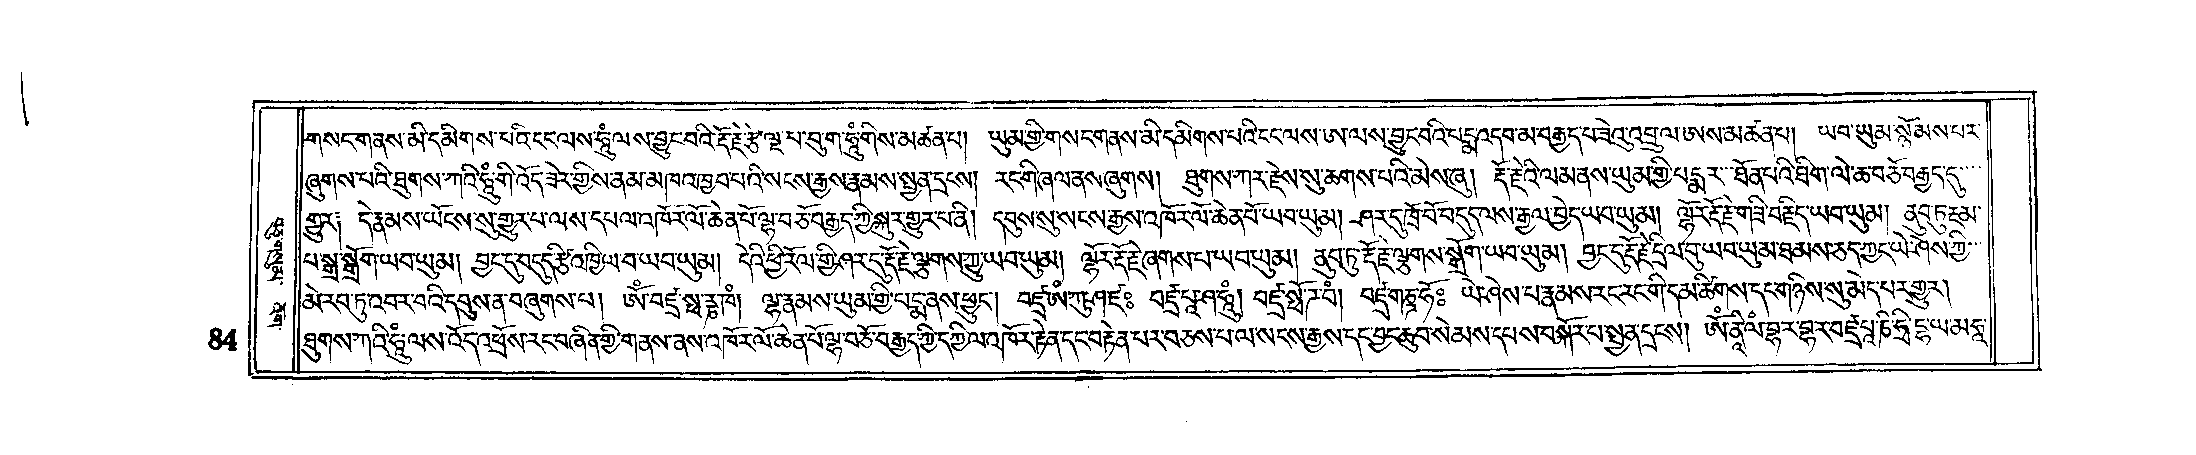གསང་གནས་མི་དམིགས་པའི་ངང་ལས་ཧཱུཾ་ལས་བྱུང་བའི་རྡོ་རྗེ་རྩེ་ལྔ་པ་བུ་ག་ཧཱུཾ་གིས་མཚན་པ། ཡུམ་གྱི་གསང་གནས་མི་དམིགས་པའི་ངང་ལས་ཨ་ལས་བྱུང་བའི་པདམ་འདབ་མ་བརྒྱད་པ་ཟེའུ་འབྲུ་ལ་ཨས་མཚན་པ། ཡབ་ཡུམ་སྙོམས་པར་
ཞུགས་པའི་ཐུགས་ཀའི་ཧཱུཾ་གི་འོད་ཟེར་གྱིས་ནམ་མཁའ་ཁྱབ་པའི་སངས་རྒྱས་རྣམས་སྤྱན་དྲངས། རང་གི་ཞལ་ནས་ཞུགས། ཐུགས་ཀར་རྗེས་སུ་ཆགས་པའི་མེས་ཞུ། རྡོ་རྗེའི་ལམ་ནས་ཡུམ་གྱི་པདམར་ཐོན་པའི་ཐིག་ལེ་ཆ་བཅོ་བརྒྱད་དུ་
གྱུར། དེ་རྣམས་ཡོངས་སུ་གྱུར་པ་ལས་དཔལ་འཁོར་ལོ་ཆེན་པོ་ལྷ་བཅོ་བརྒྱད་ཀྱི་སྐུར་གྱུར་པ་ནི། དབུས་སུ་སངས་རྒྱས་འཁོར་ལོ་ཆེན་པོ་ཡབ་ཡུམ། ཤར་དུ་ཁྲོ་བོ་བདུད་ལས་རྒྱལ་བྱེད་ཡབ་ཡུམ། ལྷོར་རྡོ་རྗེ་གཟི་བརྗིད་ཡབ་ཡུམ། ནུབ་ཏུ་རྔམ་
པ་སྒྲ་སྒྲོག་ཡབ་ཡུམ། བྱང་དུ་བདུད་རྩི་འཁྱིལ་བ་ཡབ་ཡུམ། དེའི་ཕྱི་རོལ་གྱི་ཤར་དུ་རྡོ་རྗེ་ལྕགས་ཀྱུ་ཡབ་ཡུམ། ལྷོར་རྡོ་རྗེ་ཞགས་པ་ཡབ་ཡུམ། ནུབ་ཏུ་རྡོ་རྗེ་ལྕགས་སྒྲོག་ཡབ་ཡུམ། བྱང་དུ་རྡོ་རྗེ་དྲིལ་བུ་ཡབ་ཡུམ་ཐམས་ཅད་ཀྱང་ཡེ་ཤེས་ཀྱི་
མེ་རབ་ཏུ་འབར་བའི་དབུས་ན་བཞུགས་པ། ཨོཾ་བཛྲ་སྥ་རྞ་ཁཾ། ལྷ་རྣམས་ཡུམ་གྱི་པདམ་ནས་ཕྱུང་། བཛྲ་ཨཾ་ཀུ་ཤ་ཛཿ བཛྲ་པཱ་ཤ་ཧཱུཾ། བཛྲ་སྥོ་ཌ་བཾ། བཛྲ་གཎྜ་ཧོཿ ཡེ་ཤེས་པ་རྣམས་རང་རང་གི་དམ་ཚིགས་དང་གཉིས་སུ་མེད་པར་གྱུར།
ཐུགས་ཀའི་ཧཱུཾ་ལས་འོད་འཕྲོས་རང་བཞིན་གྱི་གནས་ནས་འཁོར་ལོ་ཆེན་པོ་ལྷ་བཅོ་བརྒྱད་ཀྱི་དཀྱིལ་འཁོར་རྟེན་དང་བརྟེན་པར་བཅས་པ་ལ་སངས་རྒྱས་དང་བྱང་ཆུབ་སེམས་དཔས་བསྐོར་བ་སྤྱན་དྲངས། ཨོཾ་ནཱི་ལཾ་བྷ་ར་བྷ་ར་བཛྲ་པཱ་ཎི་ཧྲྭི་དྷ་ཡ་མཧཱ་